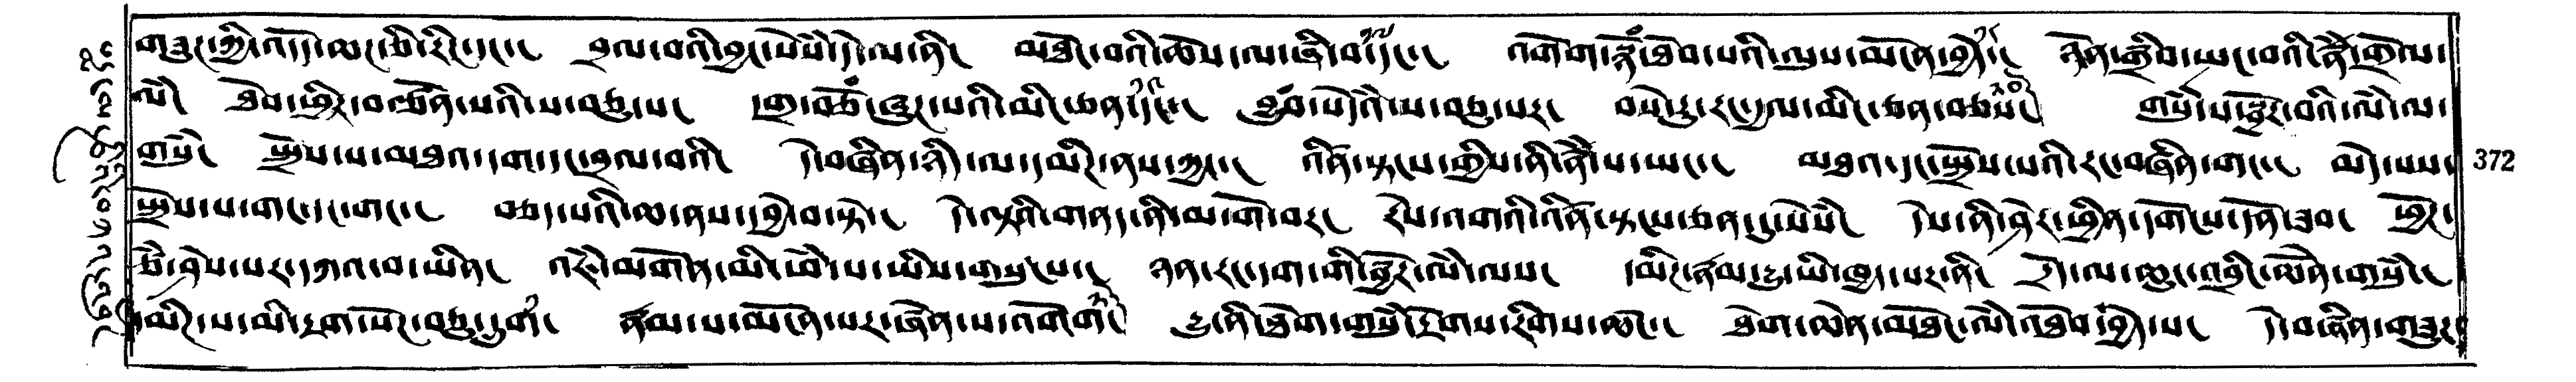གཟུགས་ཀྱི་འདོད་ཆགས་ཅི་རིགས་དང་། །བྲལ་བའི་བྱང་སེམས་དེ་ལ་ནི། །མཐོང་བའི་ཆོས་ལ་ཞི་བ་དང་། །འགོག་སྙོམས་ཐོབ་པའི་ལུས་མངོན་བྱེད། །ཉོན་སྒྲིབ་སྤོང་བའི་རྣམ་གྲོལ་
ལམ། །ཐོབ་ཕྱིར་བརྩོན་པའི་ས་བཅུ་པ། །དགྲ་བཅོམ་ཞུགས་པའི་མིང་ཅན་དང་། །བྱང་ཆུབ་སེམས་དཔའི་ས་བཅུ་པར། །བསེ་རུ་རང་རྒྱལ་མིང་ཅན་བཅས། །གསུམ་པ་སྦྱོར་བའི་ལམ་ལ་
གསུམ། །སྤྲོས་པ་མཐའ་དག་དང་བྲལ་བའི། །དེ་བཞིན་ཉིད་ལ་དམིགས་ནས་ཀྱང་། །འཛིན་སྟངས་ཀྱིས་ནི་རྣམ་པ་ཡང་། །མཐའ་དང་སྤྲོས་པའི་རང་བཞིན་གང་། །མེད་པས་
སྤྲོས་པ་གང་དང་གང་། །བཅད་པའི་ཆ་ནས་དབྱེ་བ་སྟེ། །དེ་ལྟའི་གནད་ནི་མ་གོ་བར། །རེས་འགའི་འཛིན་སྟངས་ཅན་དུ་སེམས། །དེས་ནི་ཤེར་ཕྱིན་དགོངས་དོན་ཟབ། །ཕྱོགས་
ཙམ་ཤེས་པར་དཀའ་བ་ཡིན། །འཇམ་མགོན་མི་ཕམ་པ་ཡིས་གསུངས། །ཉན་རང་དག་གི་སྦྱོར་ལམ་ལས། །དམིགས་རྣམ་རྒྱུ་ཡི་ཁྱད་པར་ནི། །དྲོད་ལ་ཆུང་འབྲིང་ཆེན་པོ་གསུམ། །
དམིགས་པ་མི་རྟག་སོགས་བཅུ་དྲུག རྣམ་པ་མངོན་པར་ཞེན་པ་འགོག །རྒྱུ་ནི་ཐེག་གསུམ་རྟོགས་རིགས་ཚང་། །ཐེག་ཆེན་མཐོང་ལམ་འཐོབ་བྱེད་པ། །དེ་བཞིན་གཟུགས་